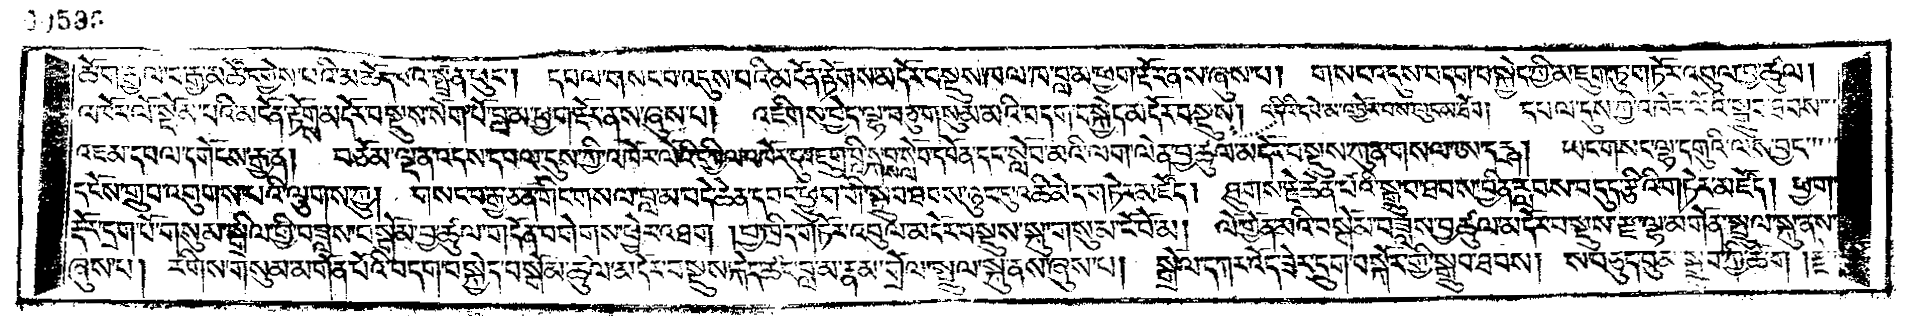ཆོ་ག་རྒྱལ་བ་རྒྱ་མཚོ་དགྱེས་པའི་མཆོད་པའི་སྤྲིན་ཕུང་། དཔལ་གསང་བ་འདུས་པའི་མངོན་རྟོགས་མདོར་བསྡུས་ཁལ་ཁ་བླ་མ་ཕྱག་རྡོར་ནས་ཞུས་པ། གསང་འདུས་བདག་བསྐྱེད་ཀྱི་མཇུག་ཏུ་གཏོར་འབུལ་བྱ་ཚུལ།
འཁོར་ལོ་སྔོམ་པའི་མངོན་རྟོགས་མདོར་བསྡུས་སོག་པོ་བླ་མ་ཕྱག་རྡོར་ནས་ཞུས་པ། འཇིགས་བྱེད་ལྷ་བཅུ་གསུམ་མའི་བདག་བསྐྱེད་མདོར་བསྡུས་འདིའི་དཔེ་མ་འབྱོར་བས་ལུང་མ་ཐོབ།  དཔལ་དུས་ཀྱི་འཁོར་ལོའི་སྒྲུབ་ཐབས་
འཇམ་དཔལ་དགོངས་རྒྱན། བཅོམ་ལྡན་འདས་དཔལ་དུས་ཀྱི་འཁོར་ལོའི་དཀྱིལ་འཁོར་དུ་འཇུག་པའི་སྐབས་སློབ་དཔོན་དང་སློབ་མའི་ལག་ལེན་བྱ་ཚུལ་མདོར་བསྡུས་ཀུན་གསལ་ཨ་དརྴ། ཡང་གསང་ལྷ་དགུའི་ལས་བྱང་
དངོས་གྲུབ་འགུགས་པའི་ལྕགས་ཀྱུ། གསང་བརྒྱ་ཅན་གིང་གསལ་བླ་མ་བདེ་ཆེན་དབང་ཕྱུག་གི་སྒྲུབ་ཐབས་ཉུང་དུ་འཆི་མེད་གཏེར་མཛོད། ཐུགས་རྗེ་ཆེན་པོའི་སྒྲུབ་ཐབས་བྱིན་རླབས་བདུད་རྩིའི་གཏེར་མཛོད། ཕྱག་
རྡོར་དྲག་པོ་གསུམ་སྒྲིལ་གྱི་བཟླས་བསྒོམ་བྱ་ཚུལ་གདོན་བགེགས་ཕྱེར་འཐག །བྱ་ཁྲིད་གཏོར་འབུལ་མདོར་བསྡུས་སྐུ་གསུམ་ངོ་བོ་མ། ལོ་གྱོན་མའི་བསྒོམ་བཟླས་བྱ་ཚུལ་མདོར་བསྡུས་རྫ་ལྷ་མགོན་སྤྲུལ་སྐུ་ནས་
ཞུས་པ། རིགས་གསུམ་མགོན་པོའི་བདག་བསྐྱེད་བསྒོམ་ཚུལ་མདོར་བསྡུས་རྐེད་ཚང་བླ་མ་རྣམ་གྲོལ་སྤྲུལ་སྐུ་ནས་ཞུས་པ། སྒྲོལ་དཀར་འོད་ཟེར་དྲུག་བསྐོར་གྱི་སྒྲུབ་ཐབས། ས་བཅུད་བུམ་སྒྲུབ་ཀྱི་ཆོ་ག །རྗེ་